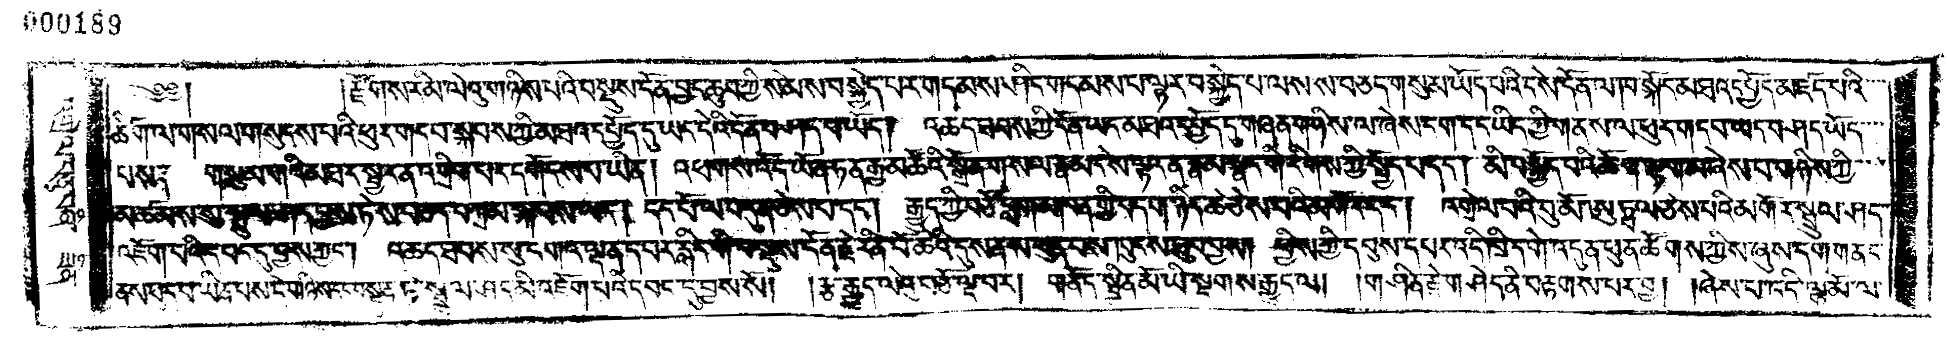༄༅། །རྫོགས་རིམ་ལེའུ་གཉིས་པའི་བསྡུས་དོན་བྱང་ཆུབ་ཀྱི་སེམས་བསྐྱེད་པར་གདམས་ཤིང་གདམས་པ་ལྟར་བསྐྱེད་པ་ལས་ས་བཅད་གསུམ་ཡོད་པའི་ངེས་དོན་ལ་ཁ་སྐོང་མཐའ་དཔྱོད་མཛད་པའི་
ཚིག་ལ་གསལ་གསུངས་པའི་ཕུར་གདབ་སྐབས་ཀྱི་མཐའ་དཔྱོད་དུ་ཡང་དེའི་དོན་བཤད་པ་ཡོད། འཆད་ཐབས་ཀྱི་དོན་ཡང་མཐའ་དཔྱོད་དུ་གཞན་གཉིས་ལ་ཞེས་ངག་དང་ཡིད་ཀྱི་གནས་ལ་ཕུར་གདབ་ཡང་བཤད་ཡོད་
པས༑ གསུམ་གའི་མཐར་སྦྱར་ན་འགྲིག་པར་དགོངས་པ་ཡིན། འཕགས་འོད་ཡོན་ཏན་རྒྱ་མཚོའི་སྒྲོན་གསལ་རྣམ་ངེས་ལྟར་ན་རྣམ་སྣང་གི་རིགས་ཀྱི་སྤྱོད་པ་དང་། མི་བསྐྱོད་པའི་ཆོ་ག་ལྷག་མ་ཞེས་པ་གཉིས་ཀྱི་
མཚམས་སུ་སྤྲུལ་ཤད་བྱས་ཏེ་ས་བཅད་བཀྲམ་སྐབས་ཡང་། དང་པོ་ལ་བདུན་ཅེས་པ་དང་། རྒྱུད་ཀྱི་བཙོ་བླག་མཁན་གྱི་བདག་ཉིད་ཆེ་ཅེས་པའི་མགོར་དང་། འགྲེལ་བའི་བུ་མོ་ཨུཏྤལ་ཅེས་པའི་མགོར་སྤྲུལ་ཤད་
འཇོག་པའི་དབང་དུ་བྱས་ཀྱང་། འཆད་ཐབས་སུ་དགའ་ལྡན་དཔར་རྙིང་གི་བསྡུས་དོན་རྗེ་རིན་པོ་ཆེའི་དུས་ནས་ཕུད་པས་ཁུངས་ཐུབ་བྱས། ཕྱིས་ཀྱི་དབུས་དཔར་འདི་ཁྲི་དགེ་འདུན་ཕུན་ཚོགས་ཀྱིས་ཞུས་དག་གནང་
ནས་ཐུད་པ་ཡིན་པས་དེ་གཉིས་དང་བསྟུན་ཏེ་སྤྲུལ་ཤད་མི་འཇོག་པའི་དབང་དུ་བྱས་སོ། །རྩ་རྒྱུད་ལེའུ་བཅོ་ལྔ་པར། གནོད་སྦྱིན་མོ་ཡི་སྔགས་རྒྱུད་ལ། །གཤིན་རྗེ་གཤེད་ནི་བརྟགས་པར་བྱ། །ཞེས་པ་འདི་ལྷ་མོ་ལ་